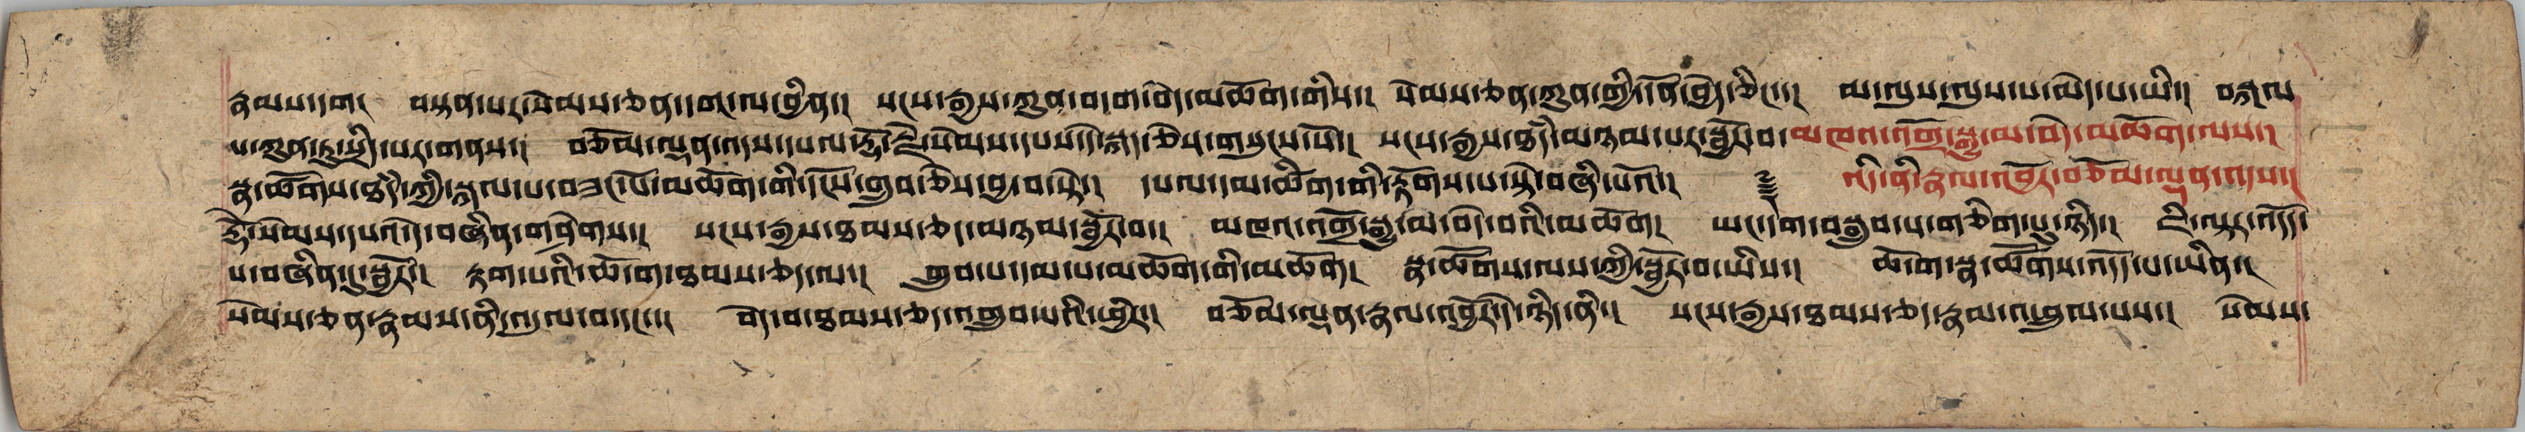རྣམས་དག། བསྟན་པར་སེམས་ཅད་དབང་ལ་བྱིན་། སངས་རྒྱས་ཀུན་བདག་བདེ་མཆོག་གིས་། སེམས་ཅན་ཀུན་གྱི་དོན་བྱེད་ཅིང་་། མ་ལུས་ལུས་པ་མེད་པ་ཡི་། བསྐལ་
པ་ཀུན་ཏུ་སྲིད་པར་གནས་། བཅོམ་ལྡན་འདས་དཔལ་རྡོ་རྗེ་སེམས་དཔས་དེ་སྐད་ཅེས་གསུངས་སོ་། སངས་རྒྱས་ཐཾད་མཉམ་པར་སྦྱོར་བ་མཁའ་འགྲོ་སྒྱུ་མ་བདེ་མཆོག་ལས་།
སྣ་ཚོགས་ཐཾད་ཀྱི་སྐལ་པ་བཟང་པོ་མཆོག་གི་དངོས་གྲུབ་ཅེས་བྱ་བ་སྟེ་། དཔལ་དམ་ཚིག་གི་རྟོགས་པ་སྟེ་བཞི་པའོ་། ࿑ འདི་ནི་རྣལ་འབྱོར་བཅོམ་ལྡན་འདས་།
རྡོེ་སེམས་དཔའ་དེ་བཞིན་གཤེགས་། སངས་རྒྱས་ཐམས་ཅད་མཉམ་སྦྱོར་བ་། མཁའ་འགྲོ་སྒྱུ་མ་བདེ་བའི་མཆོག། ཡང་དག་བསྒྲུབ་པ་གཅིག་པུ་ཉིད་། ཇི་ལྟར་འདོད་
པ་བཞིན་དུ་སྦྱོར་། རྟག་པའི་ཆོ་ག་ཐམས་ཅད་ལ་། གྲུབ་པ་དམ་པ་མཆོག་གི་མཆོག། སྣ་ཚོགས་ལས་ཀྱི་སྦྱོར་བ་ཡིས་། ཆོ་ག་སྣ་ཚོགས་འདོད་པ་ཡིན་།
སེམས་ཅན་རྣམས་ནི་འདུལ་བ་དང་་། བདེ་བ་ཐམས་ཅད་འགྲུབ་པའི་ཕྱིར་། བཅོམ་ལྡན་རྣལ་འབྱོར་དེ་ཉིད་ནི་། སངས་རྒྱས་ཐམས་ཅད་རྣམ་འཕྲུལ་པས་། སེམས་